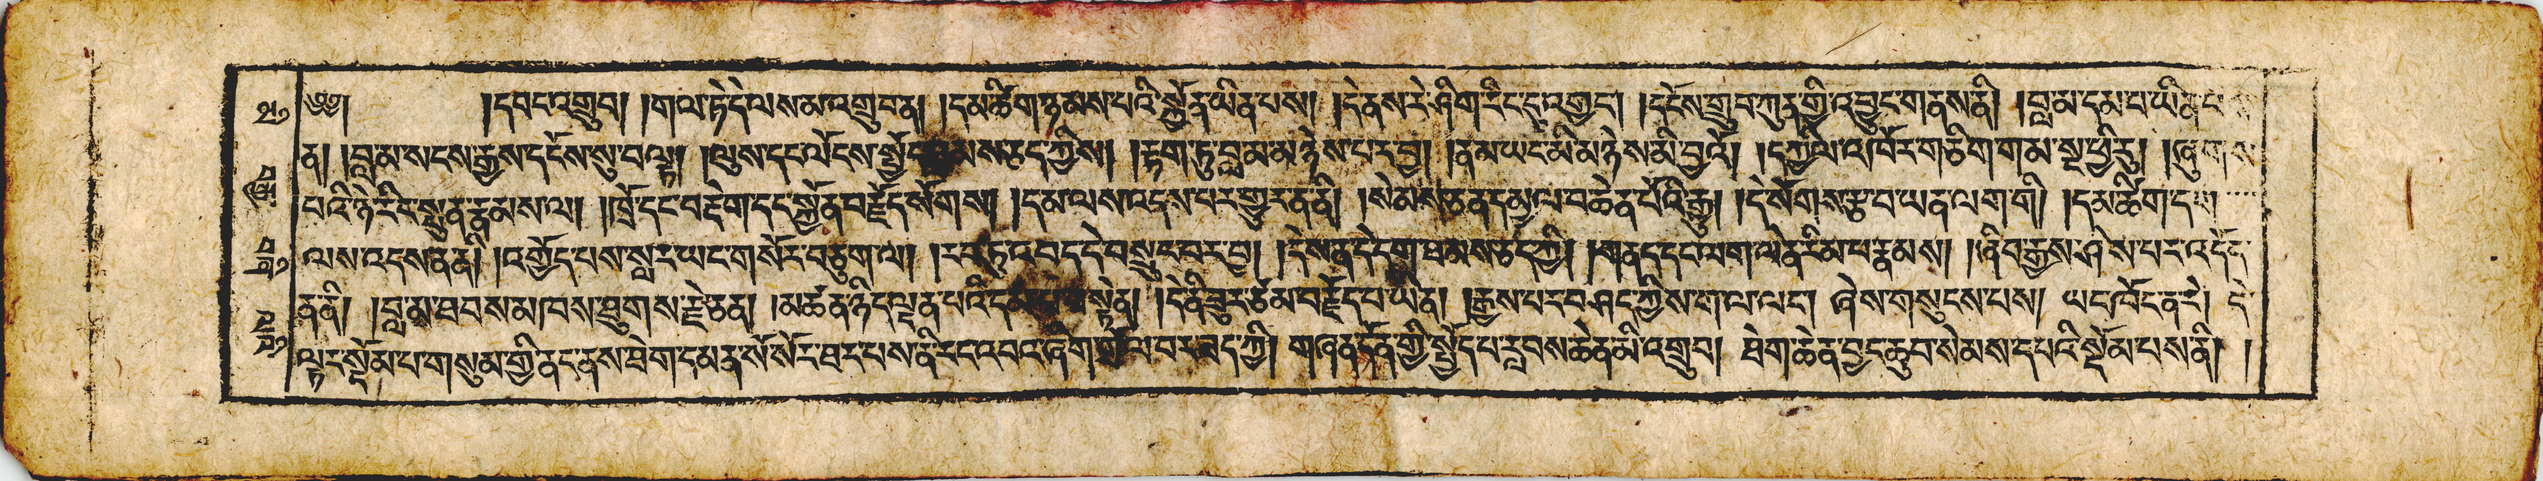དབང་འགྲུབ། །གལ་ཏེ་དེ་ལས་མ་འགྲུབ་ན། །དམ་ཚིག་ཉམས་པའི་སྐྱོན་ཡིན་པས། །དེ་ནས་རེ་ཤིག་རིང་དུ་འགྱང་། །དངོས་གྲུབ་ཀུན་གྱི་འབྱུང་གནས་ནི། །བླ་མ་དམ་པ་ཡིན་པ་
ན། །བླ་མ་སངས་རྒྱས་དངོས་སུ་བལྟ། །ལུས་དང་ལོངས་སྤྱོད་ཐམས་ཅད་ཀྱིས། །རྟག་ཏུ་བླ་མ་མཉེས་པར་བྱ། །ནམ་ཡང་མི་མཉེས་མི་བྱའོ། །དཀྱིལ་འཁོར་གཅིག་གམ་སྔ་ཕྱི་རུ། །ཞུགས་
བའི་ཉེ་རིང་སྤྱན་རྣམས་ལ། །ཁྲེ་དང་བརྡེག་དང་སྐྱོན་བརྗོད་སོགས། །དམ་ལས་འདས་པར་གྱུར་ན་ནི། །སེམས་ཅན་དམྱལ་བ་ཆེན་པོའི་རྒྱུ། །དེ་སོགས་རྩ་བ་ཡན་ལག་གི། །དམ་ཚིག་དག་
ལས་འདས་ན་ནི། །འགྱོད་པས་སླར་ཡང་གསོར་བཅུག་ལ། །རབ་ཏུ་འབད་དེ་བསྲུང་བར་བྱ། །དེས་ན་དེ་དག་ཐམས་ཅད་ཀྱི། །གནད་དང་ལག་ལེན་རིམ་པ་རྣམས། །ཞིབ་རྒྱས་ཤེས་པར་འདོད་
ན་ནི། །བླ་མ་ཐབས་མཁས་ཐུགས་རྗེ་ཅན། །མཚན་ཉིད་ལྡན་པའི་དམ་པ་བསྟེན། །དེ་ནི་ཟུར་ཙམ་བརྗོད་པ་ཡིན། །རྒྱས་པར་བཤད་ཀྱིས་ག་ལ་ལང་། ཞེས་གསུངས་པས། ཡང་ཁོང་ན་རེ། དེ་
ལྟར་སྡོམ་པ་གསུམ་གྱི་ནང་ནས་ཐེག་དམན་སོ་སོར་ཐར་པས་ནི་རང་འབའ་ཞིག་གྲོལ་བར་ཟད་ཀྱི། གཞན་དོན་གྱི་སྤྱོད་པ་རླབས་ཆེན་མི་འགྲུབ། ཐེག་ཆེན་བྱང་ཆུབ་སེམས་དཔའི་སྡོམ་པས་ནི།